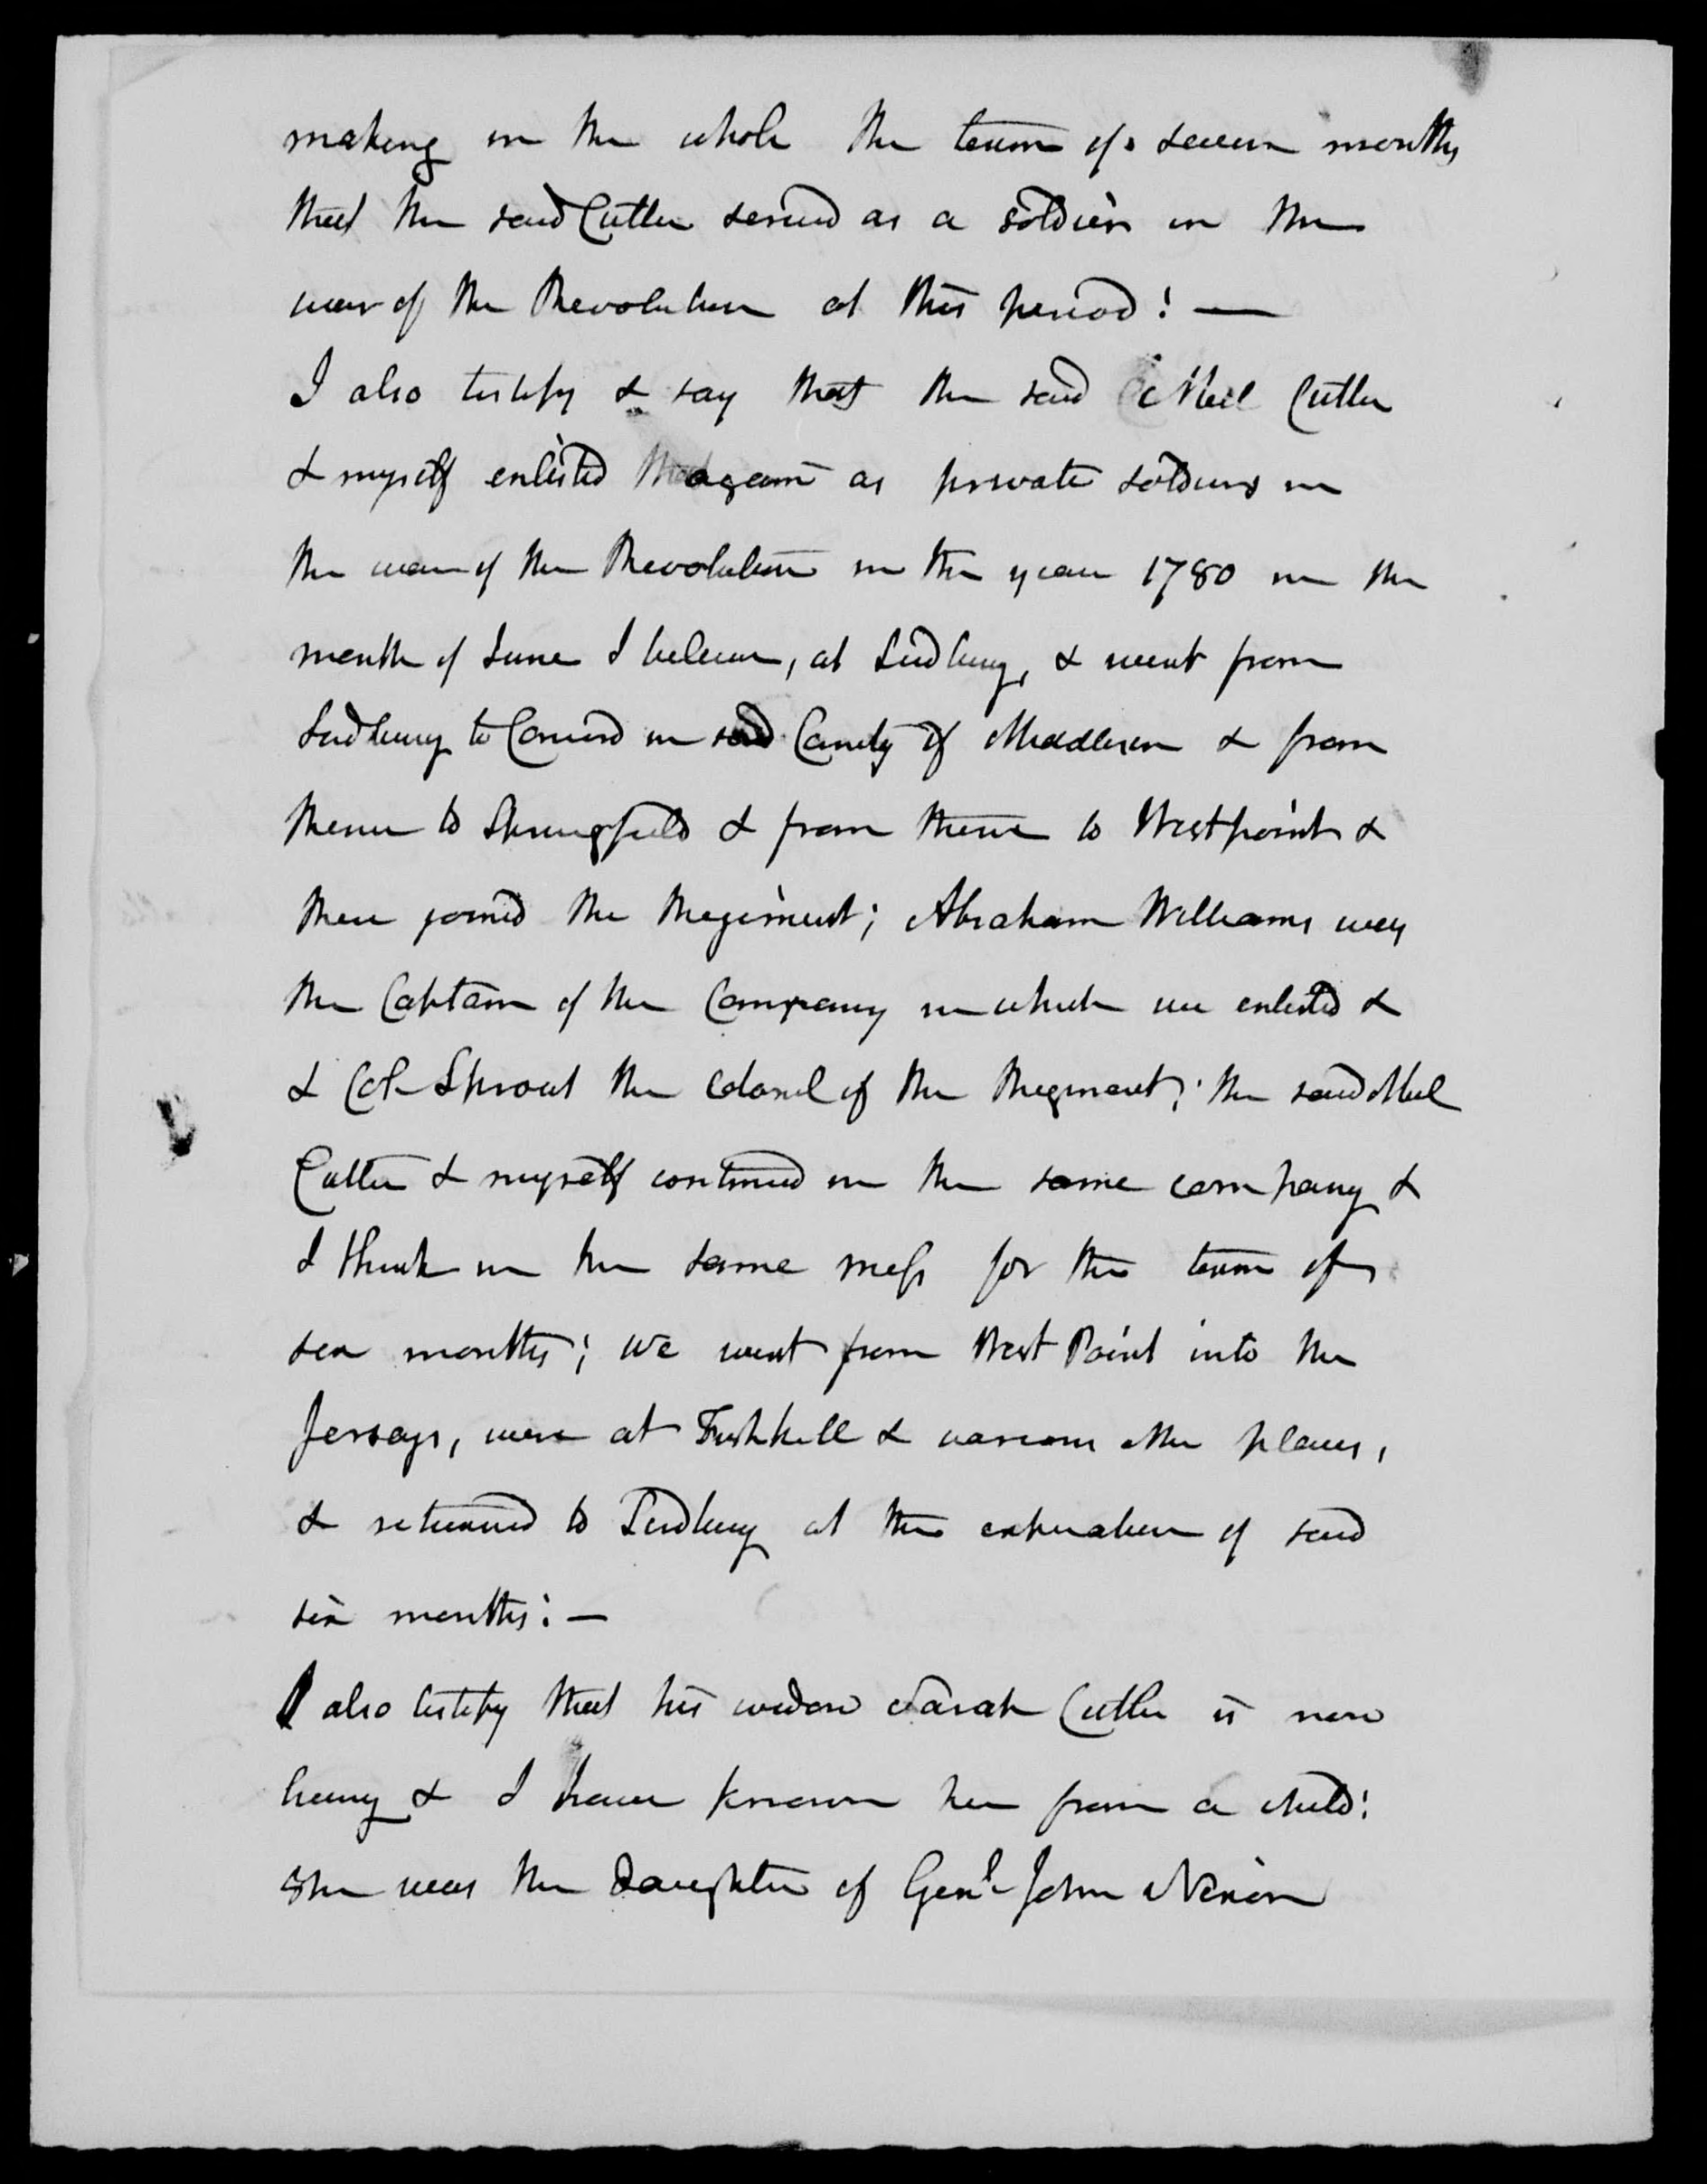making in the whole, the term of seven months that the said Cutler served as a soldier in the war of the Revolution at this period; I also testify and say that the said Abel Cutler and myself enlisted again as private soldiers in the war of the Revolution in the year 1780 in the month of June, I believe, at Sudbury, and went from Sudbury to [illegible] in county of Middlesex and from there to Springfield and from there to West Point and there joined the regiment; Abraham Williams was the captain of the company in which we enlisted and Col Sproul the colonel of the regiment; the said Abel Cutler and myself continued in the same company and I think in the same [illegible] for the term of ten months; we went from West Point into New Jersey, were at Fishkill & [illegible] more places, and returned to Sudbury at the expiration of [illegible] six months: I also testify that his widow Sarah Cutler is now living and I have known her from a child: she was the daughter of General John Nixon.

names: Abel Cutler, Abraham William, Abel Cutler, John Nixon, Sprout, Sarah Cutler, Cutler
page: 15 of 22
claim: widow's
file: W. 14,552, Abel Cutler, Mass.